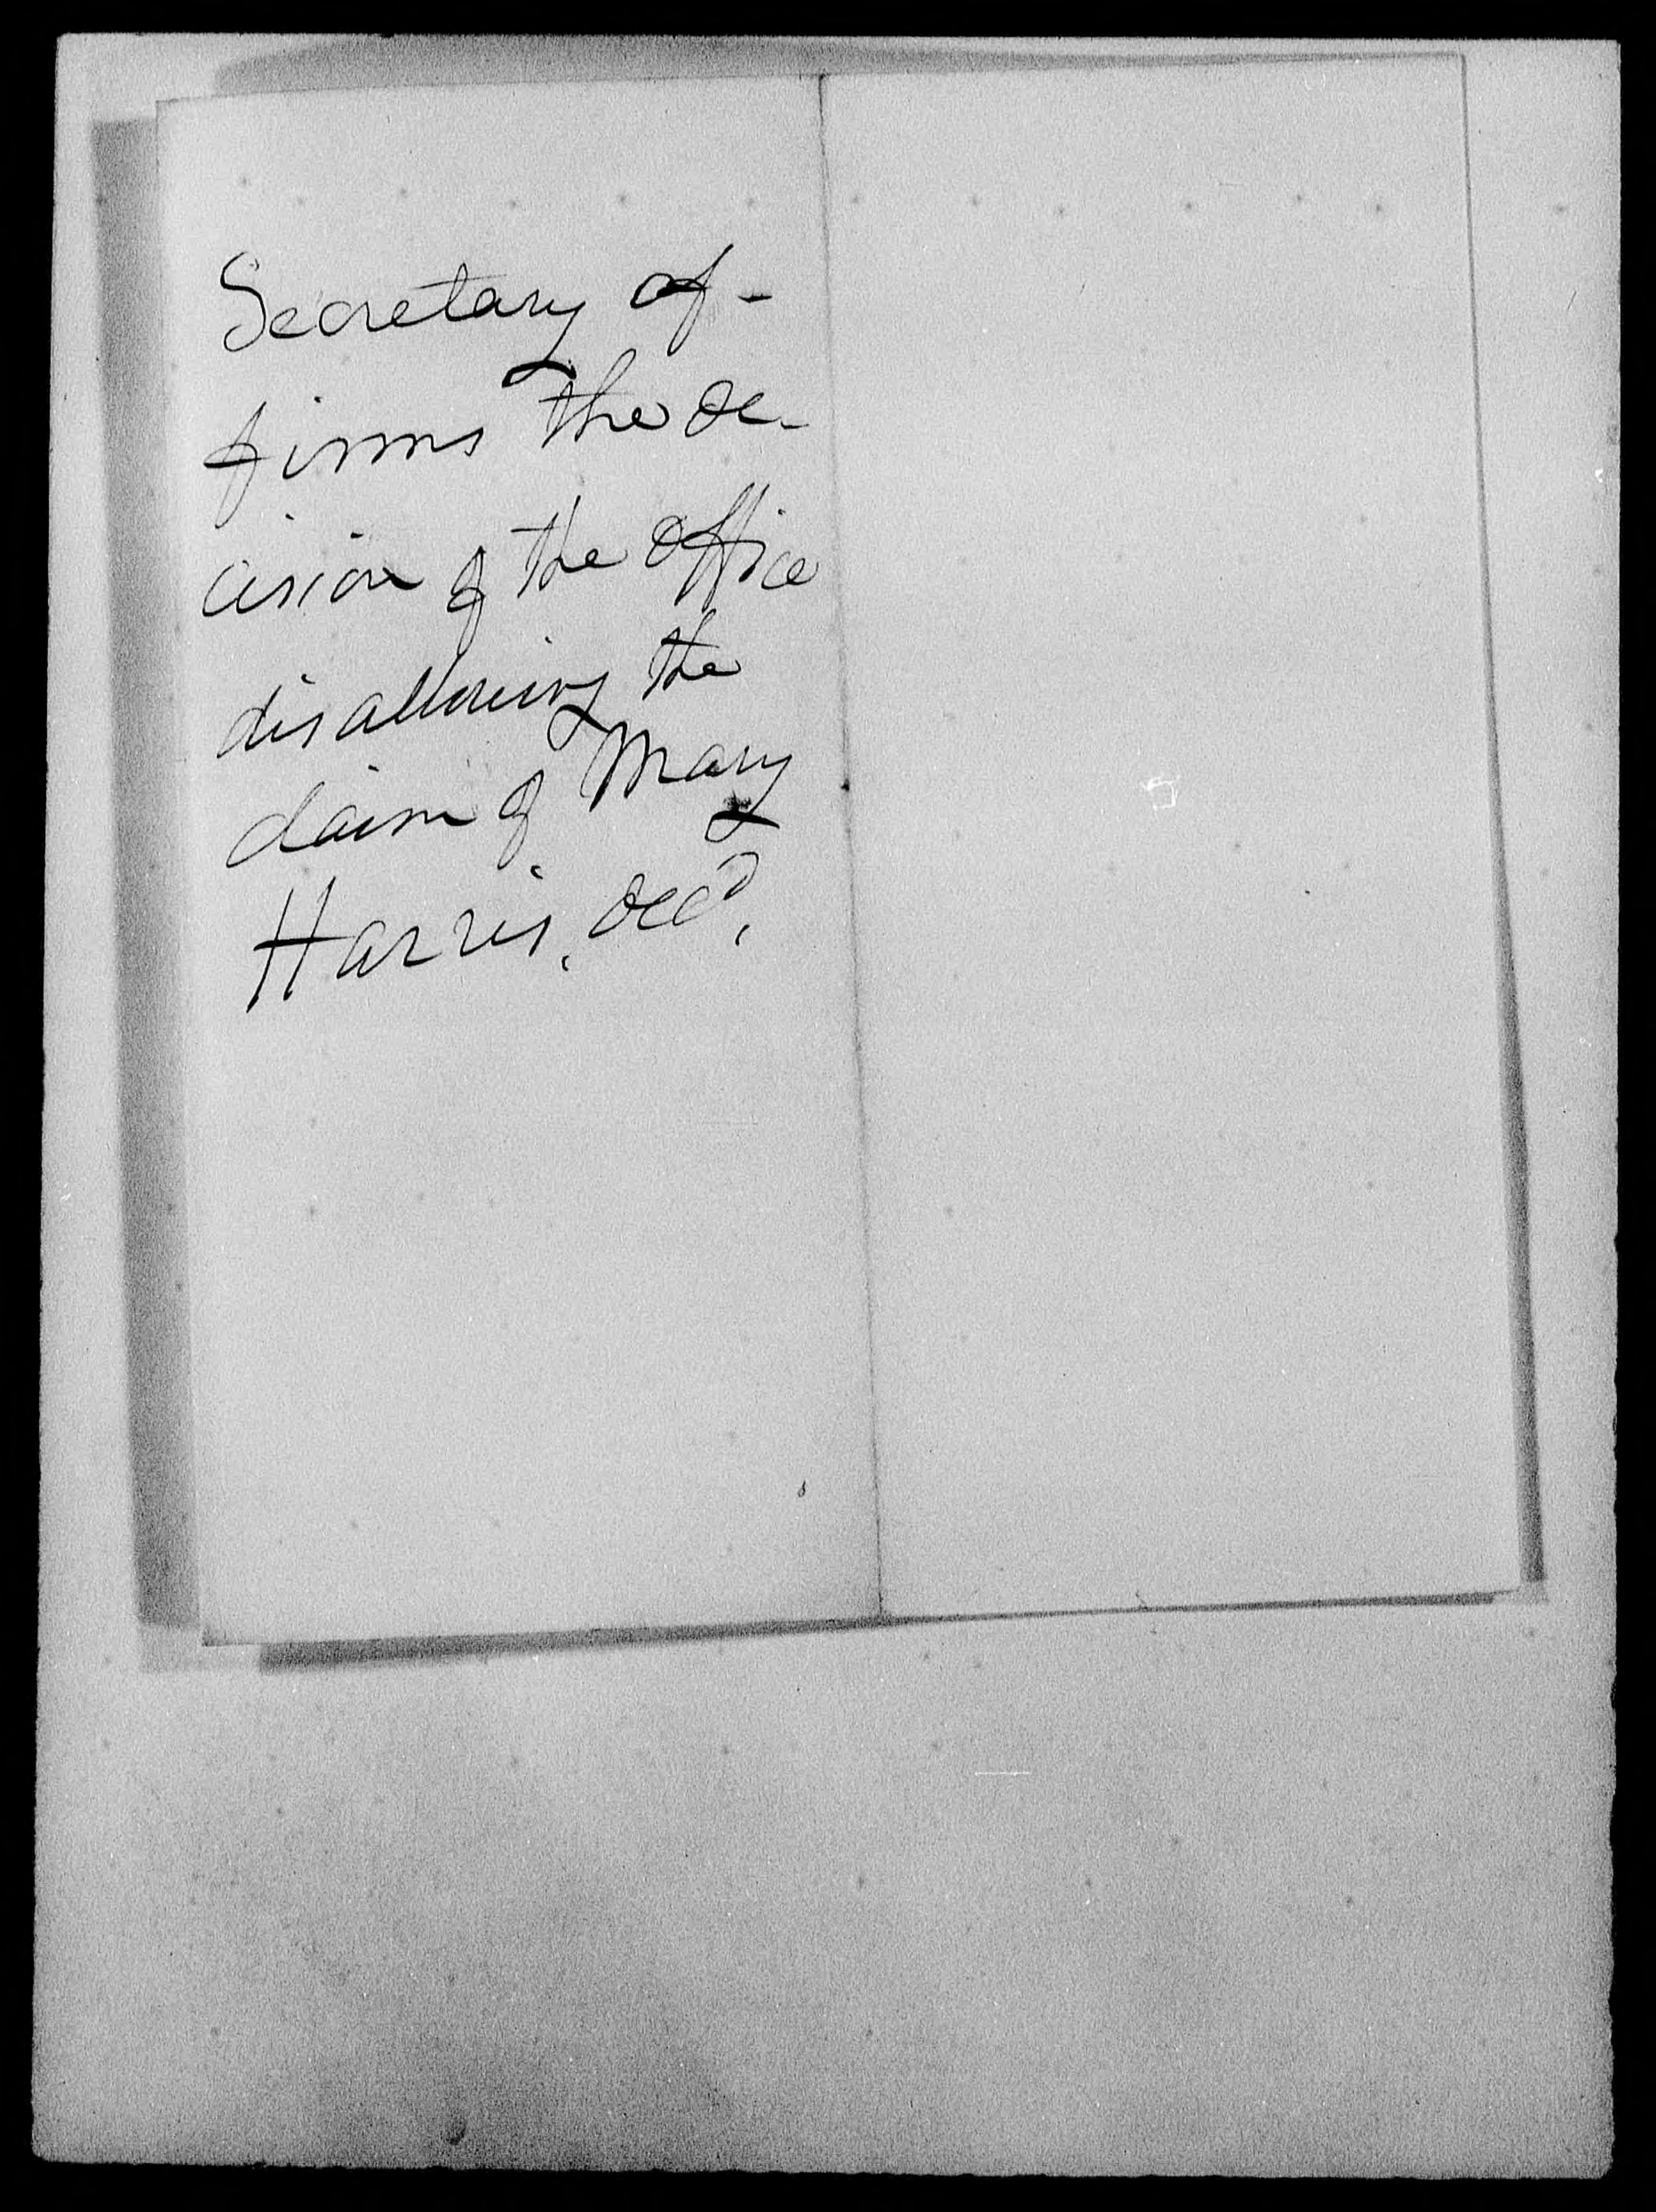Secretary affirms the decision of the office disallowing the claim of Mary Harris, Decd.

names: Mary Harris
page: 93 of 160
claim: rejected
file: R. 4666, James Harris, Va.